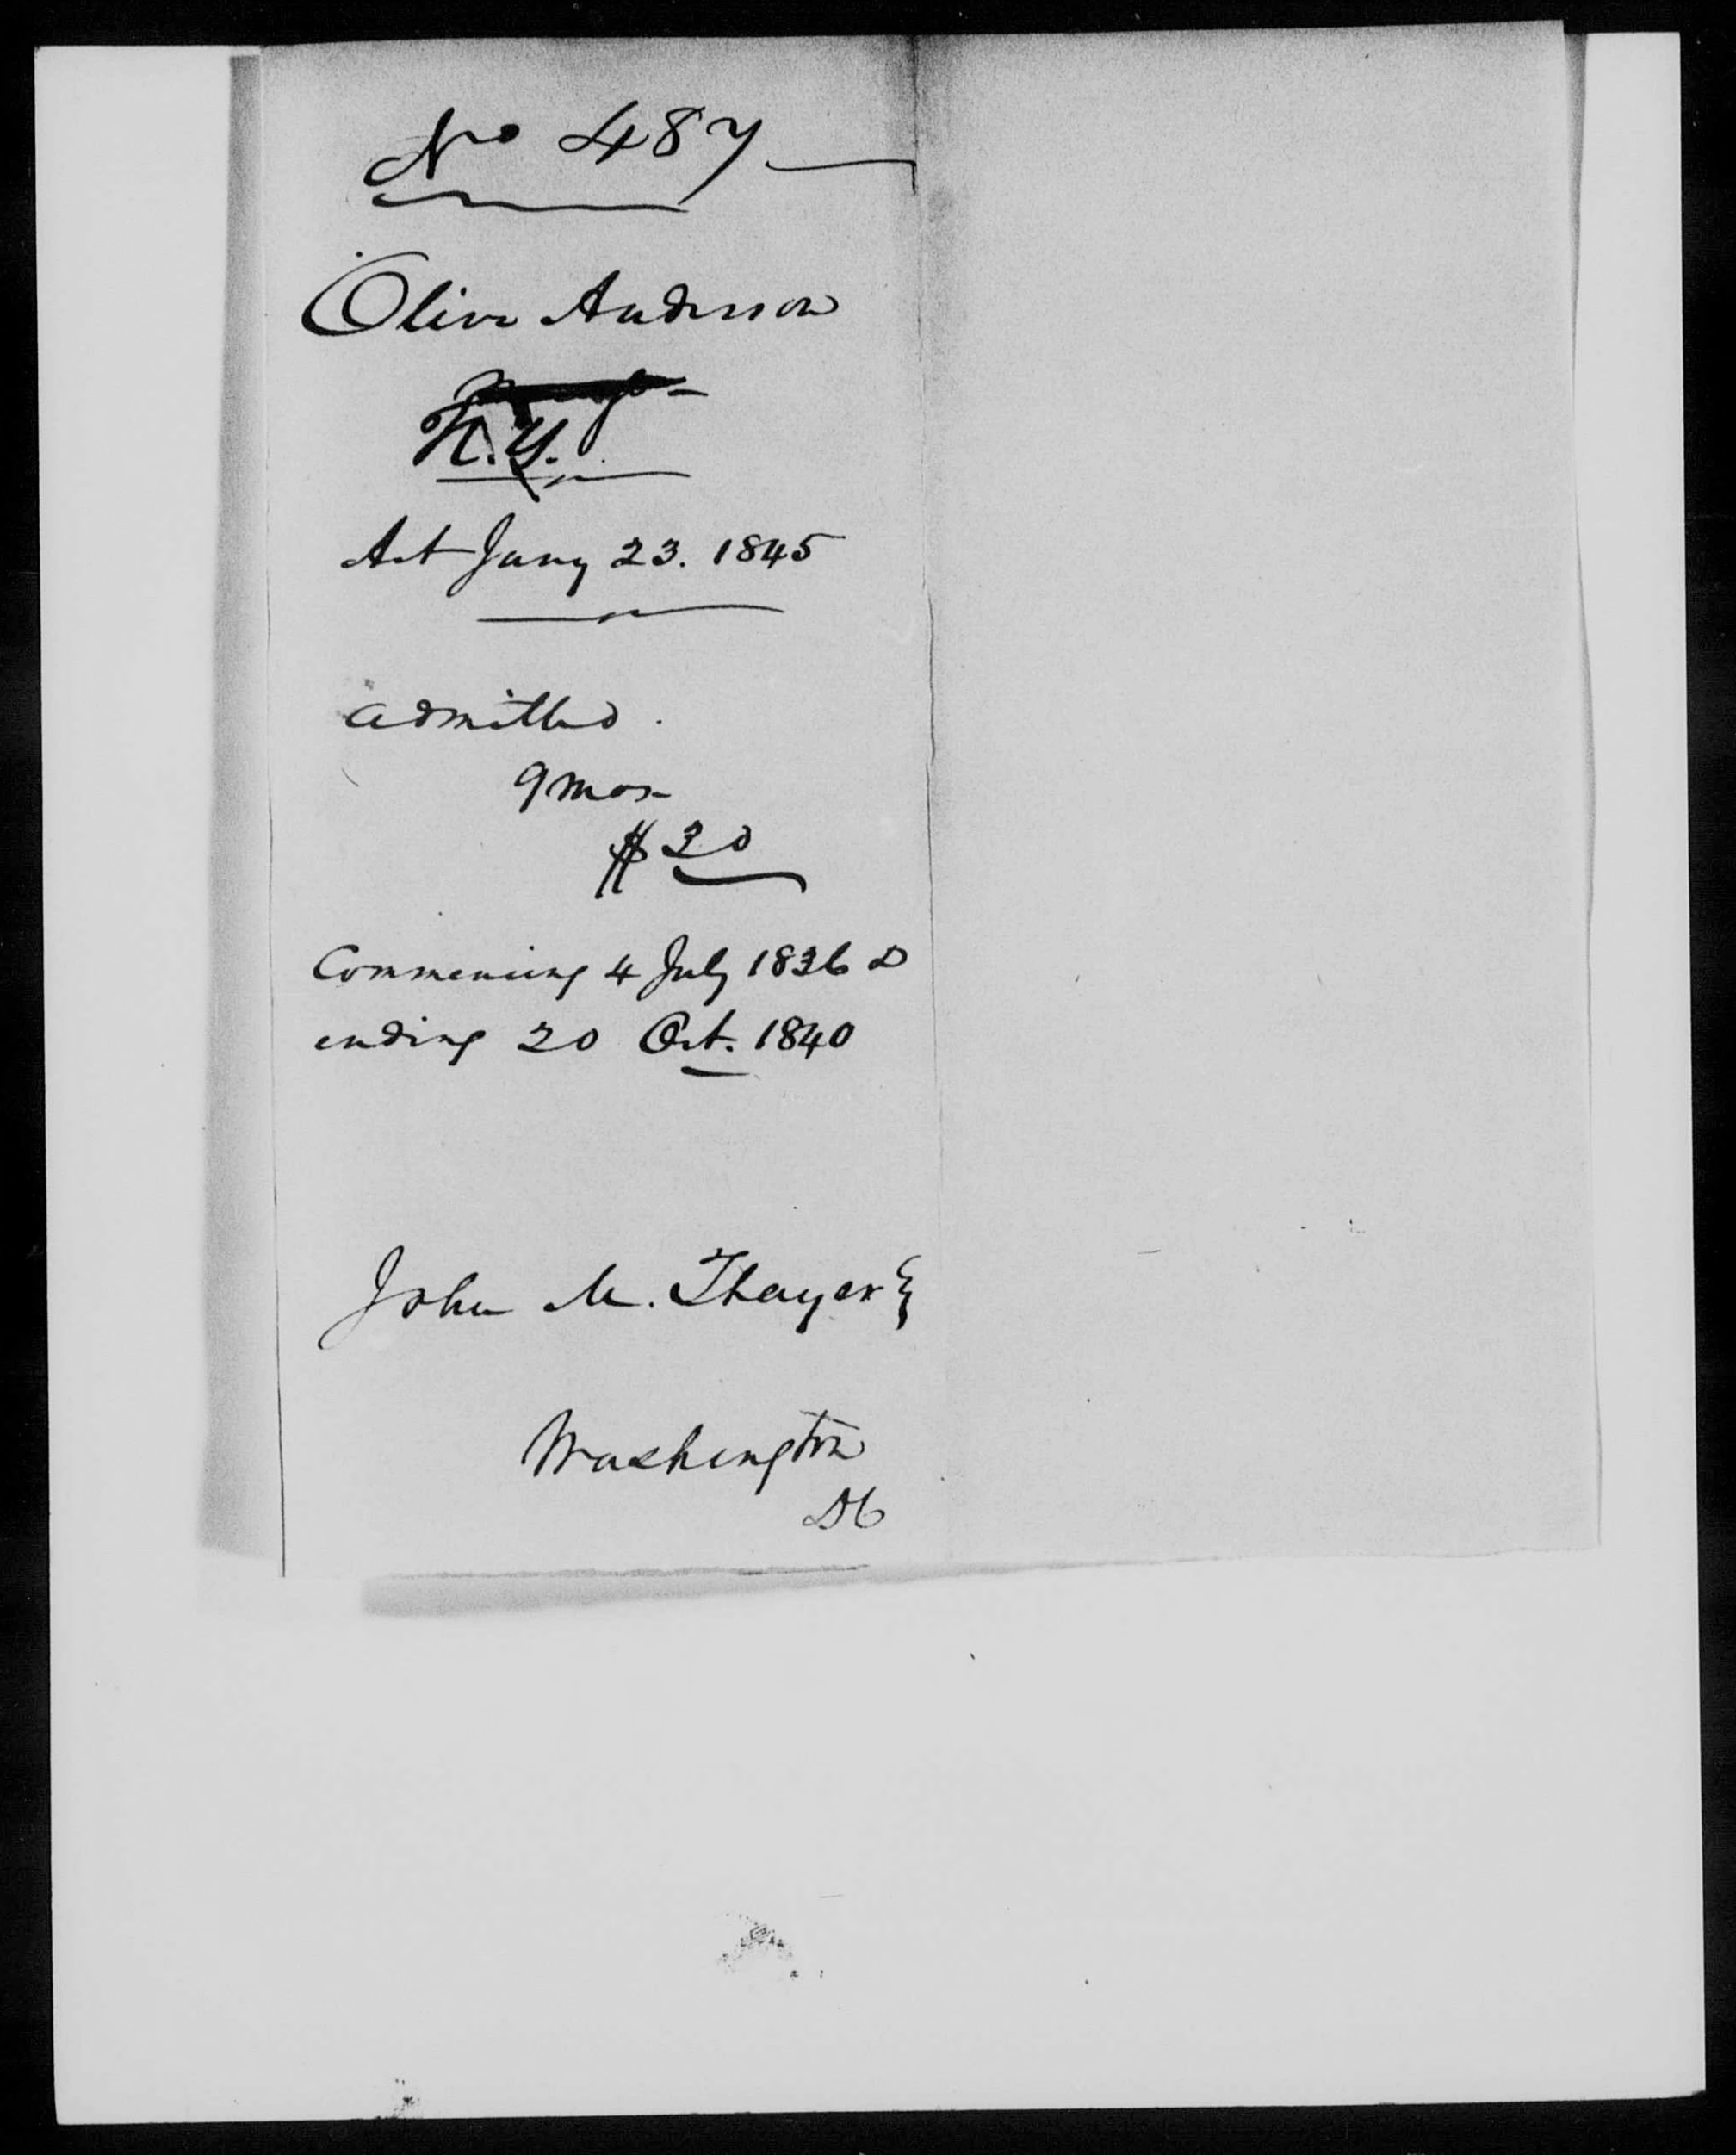No 487
Olive Anderson
N.Y.
Act Jany 23. 1845
admitted
9 mon
$30
Commencing 4 July 1836 D
ending 20 Oct. 1840

John M. Thayer
Washington
DC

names: John M Thayer, Olive Anderson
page: 27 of 39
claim: widow's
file: W. 20624, David Anderson, Mass